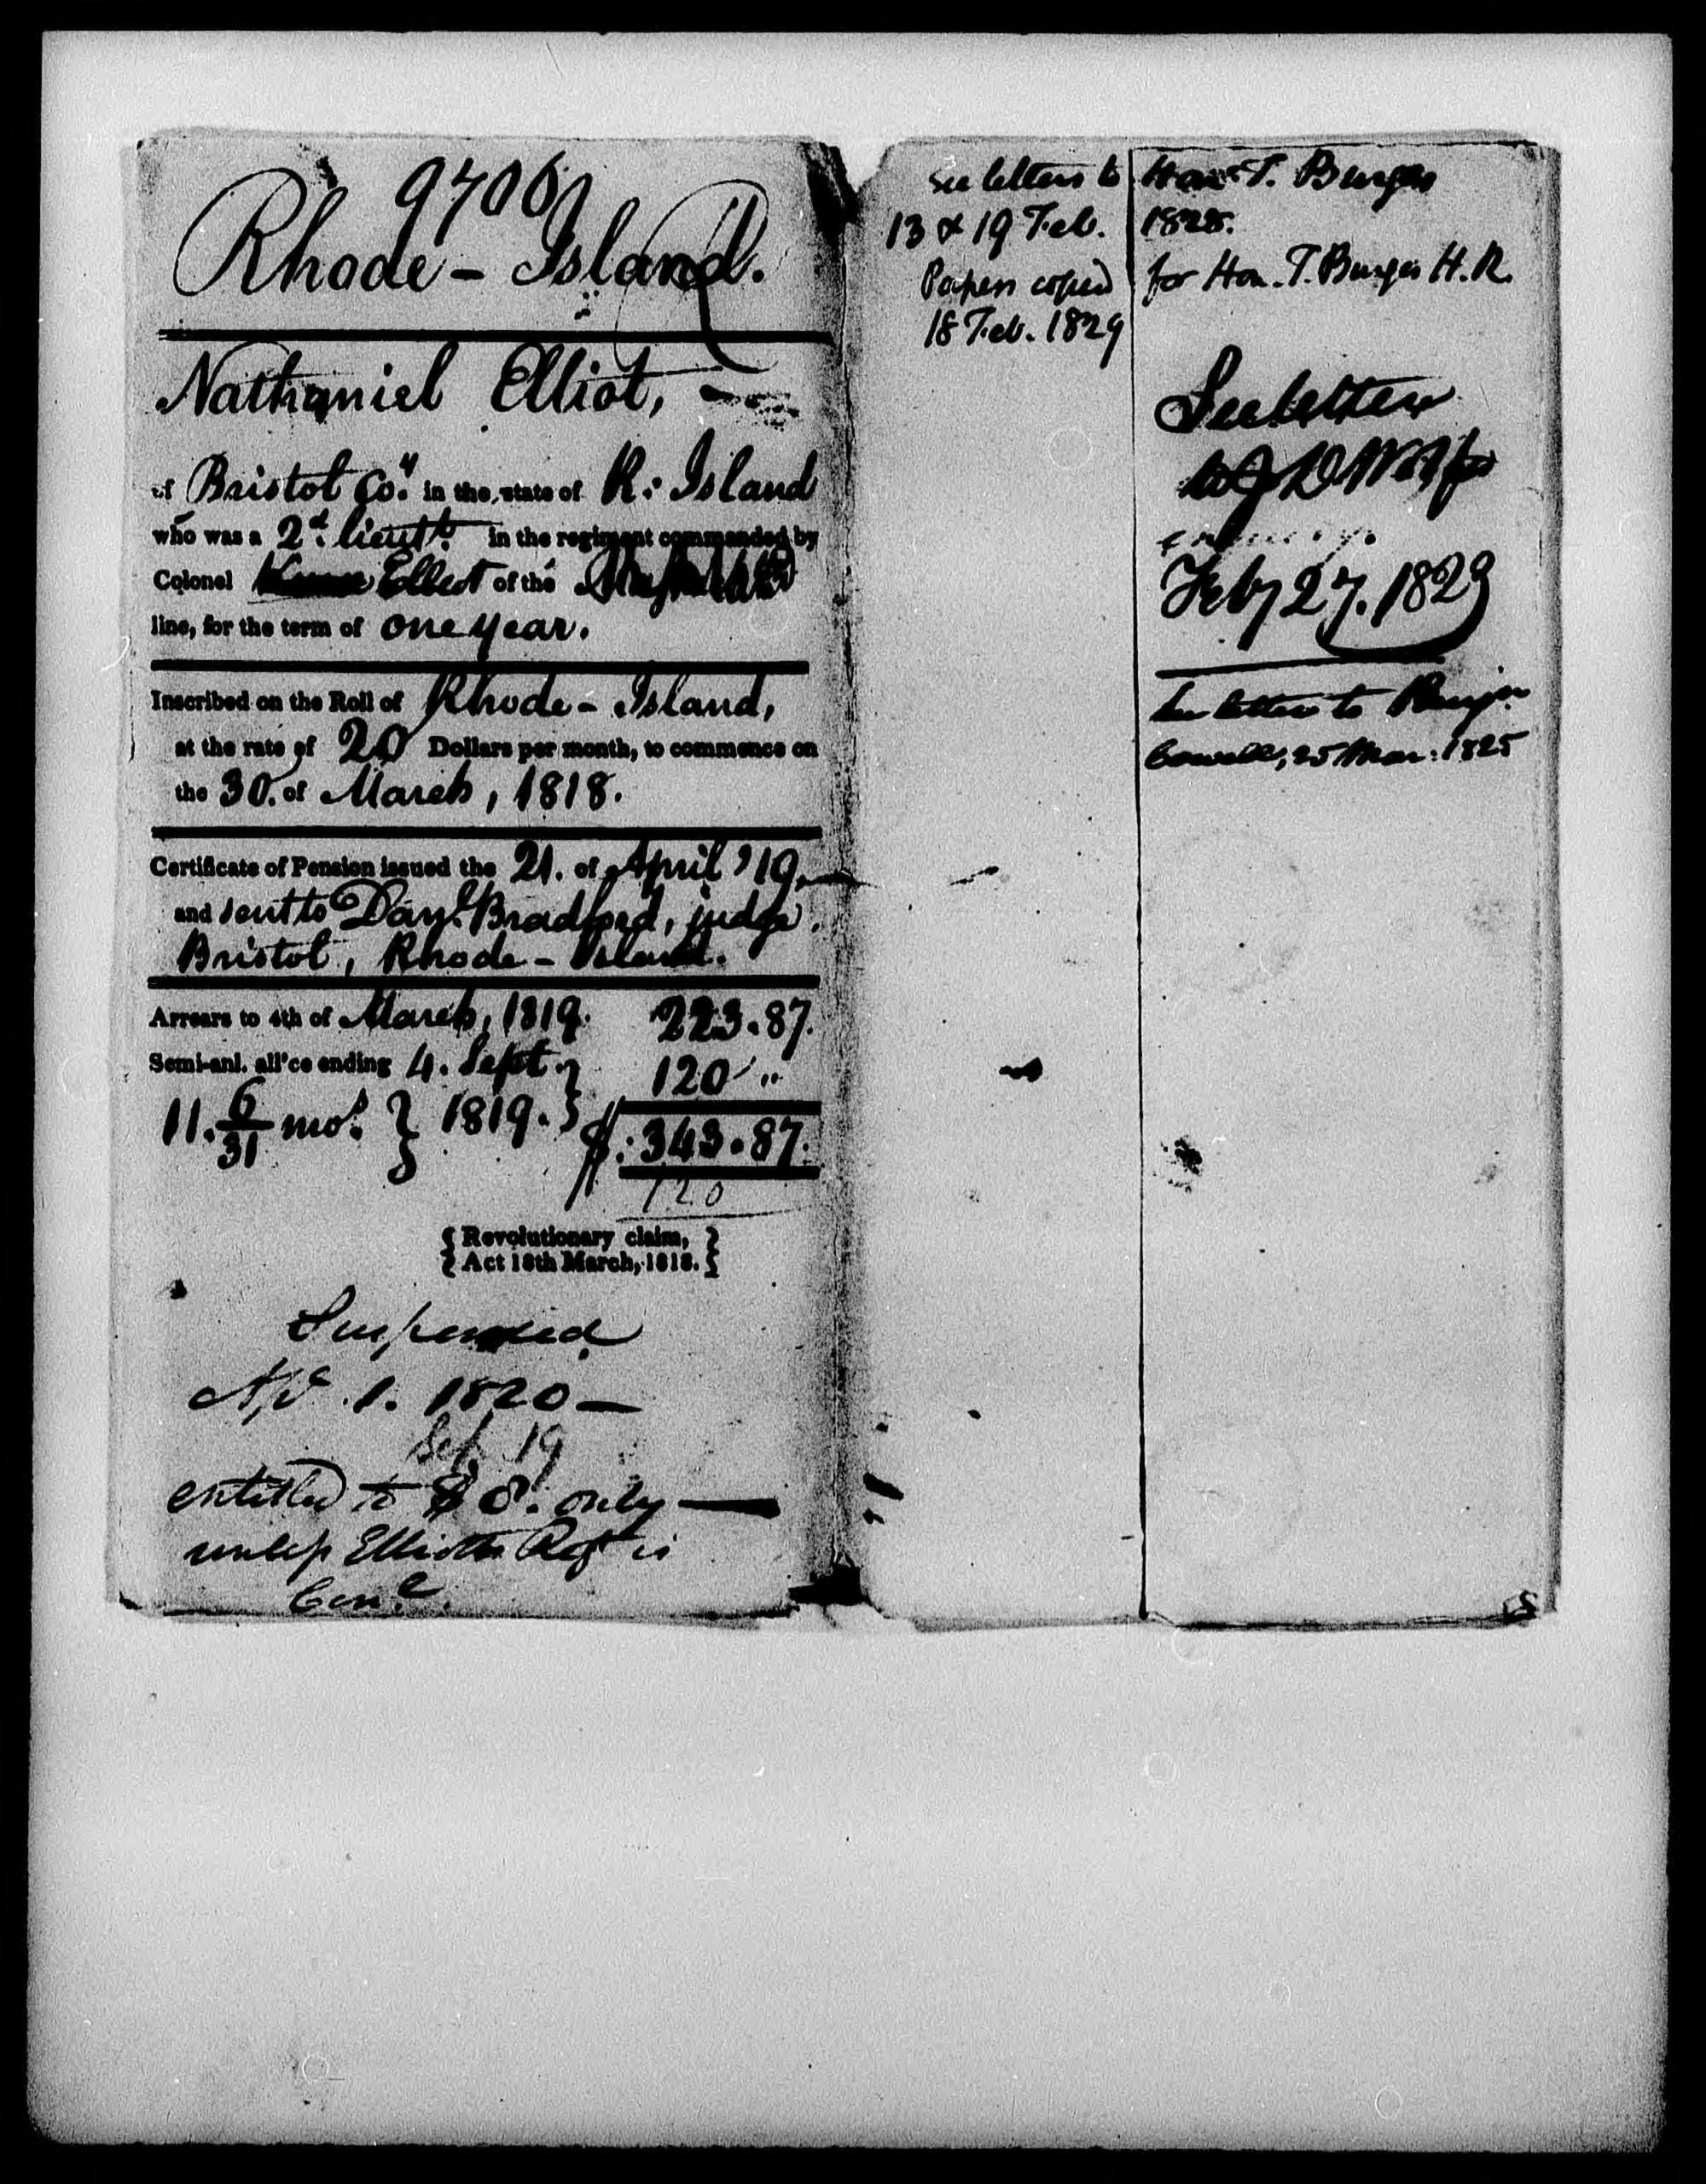[left page]
9700
Rhode Island.
Nathaniel Elliot,
of Bristol Co. in the state of R. Island
who was a 2d Lieut. in the regiment commanded by
Colonel Elliott of the [illegible] 
line, for the term of one year.
Inscribed on the Roll of Rhode Island,
at the rate of 20 Dollars per month, to commence on 
the 30. of March, 1818
Certificate of Pension issued the 21. Of April ‘19
And sent to Dan’l. Bradford, judge
Bristol, Rhode Island.
Arrears to 4th of March, 1819   223.87.
Semi-anl, all'ce ending 4. Sept 
11.6/31 mos.} 1819}                       120"
[underline]
$343.87.
{Revolutionary claim, Act 18th March, 1818.}
Suspended
Apl 1. 1820
Sep 19
entitled to S8. only
Unless Elliott Regt. Is
Con’l.
[right page]
See letters to for Hon. T. Burges
13 & 19 Feb 1828.
Papers copied for Hon. T. Burges H. R.
18 Feb. 1829
See letters
To J. D. W [illegible]
Feby 27, 1823
See letter to Benj.
Cowell, Mar. 1825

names: Nathaniel Elliot, T Burges, Elliot, Danl Bradford, T Burges, Benja Sewall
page: 8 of 29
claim: survivor's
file: S. 38679, Nathaniel Elliot, Continental R.I.